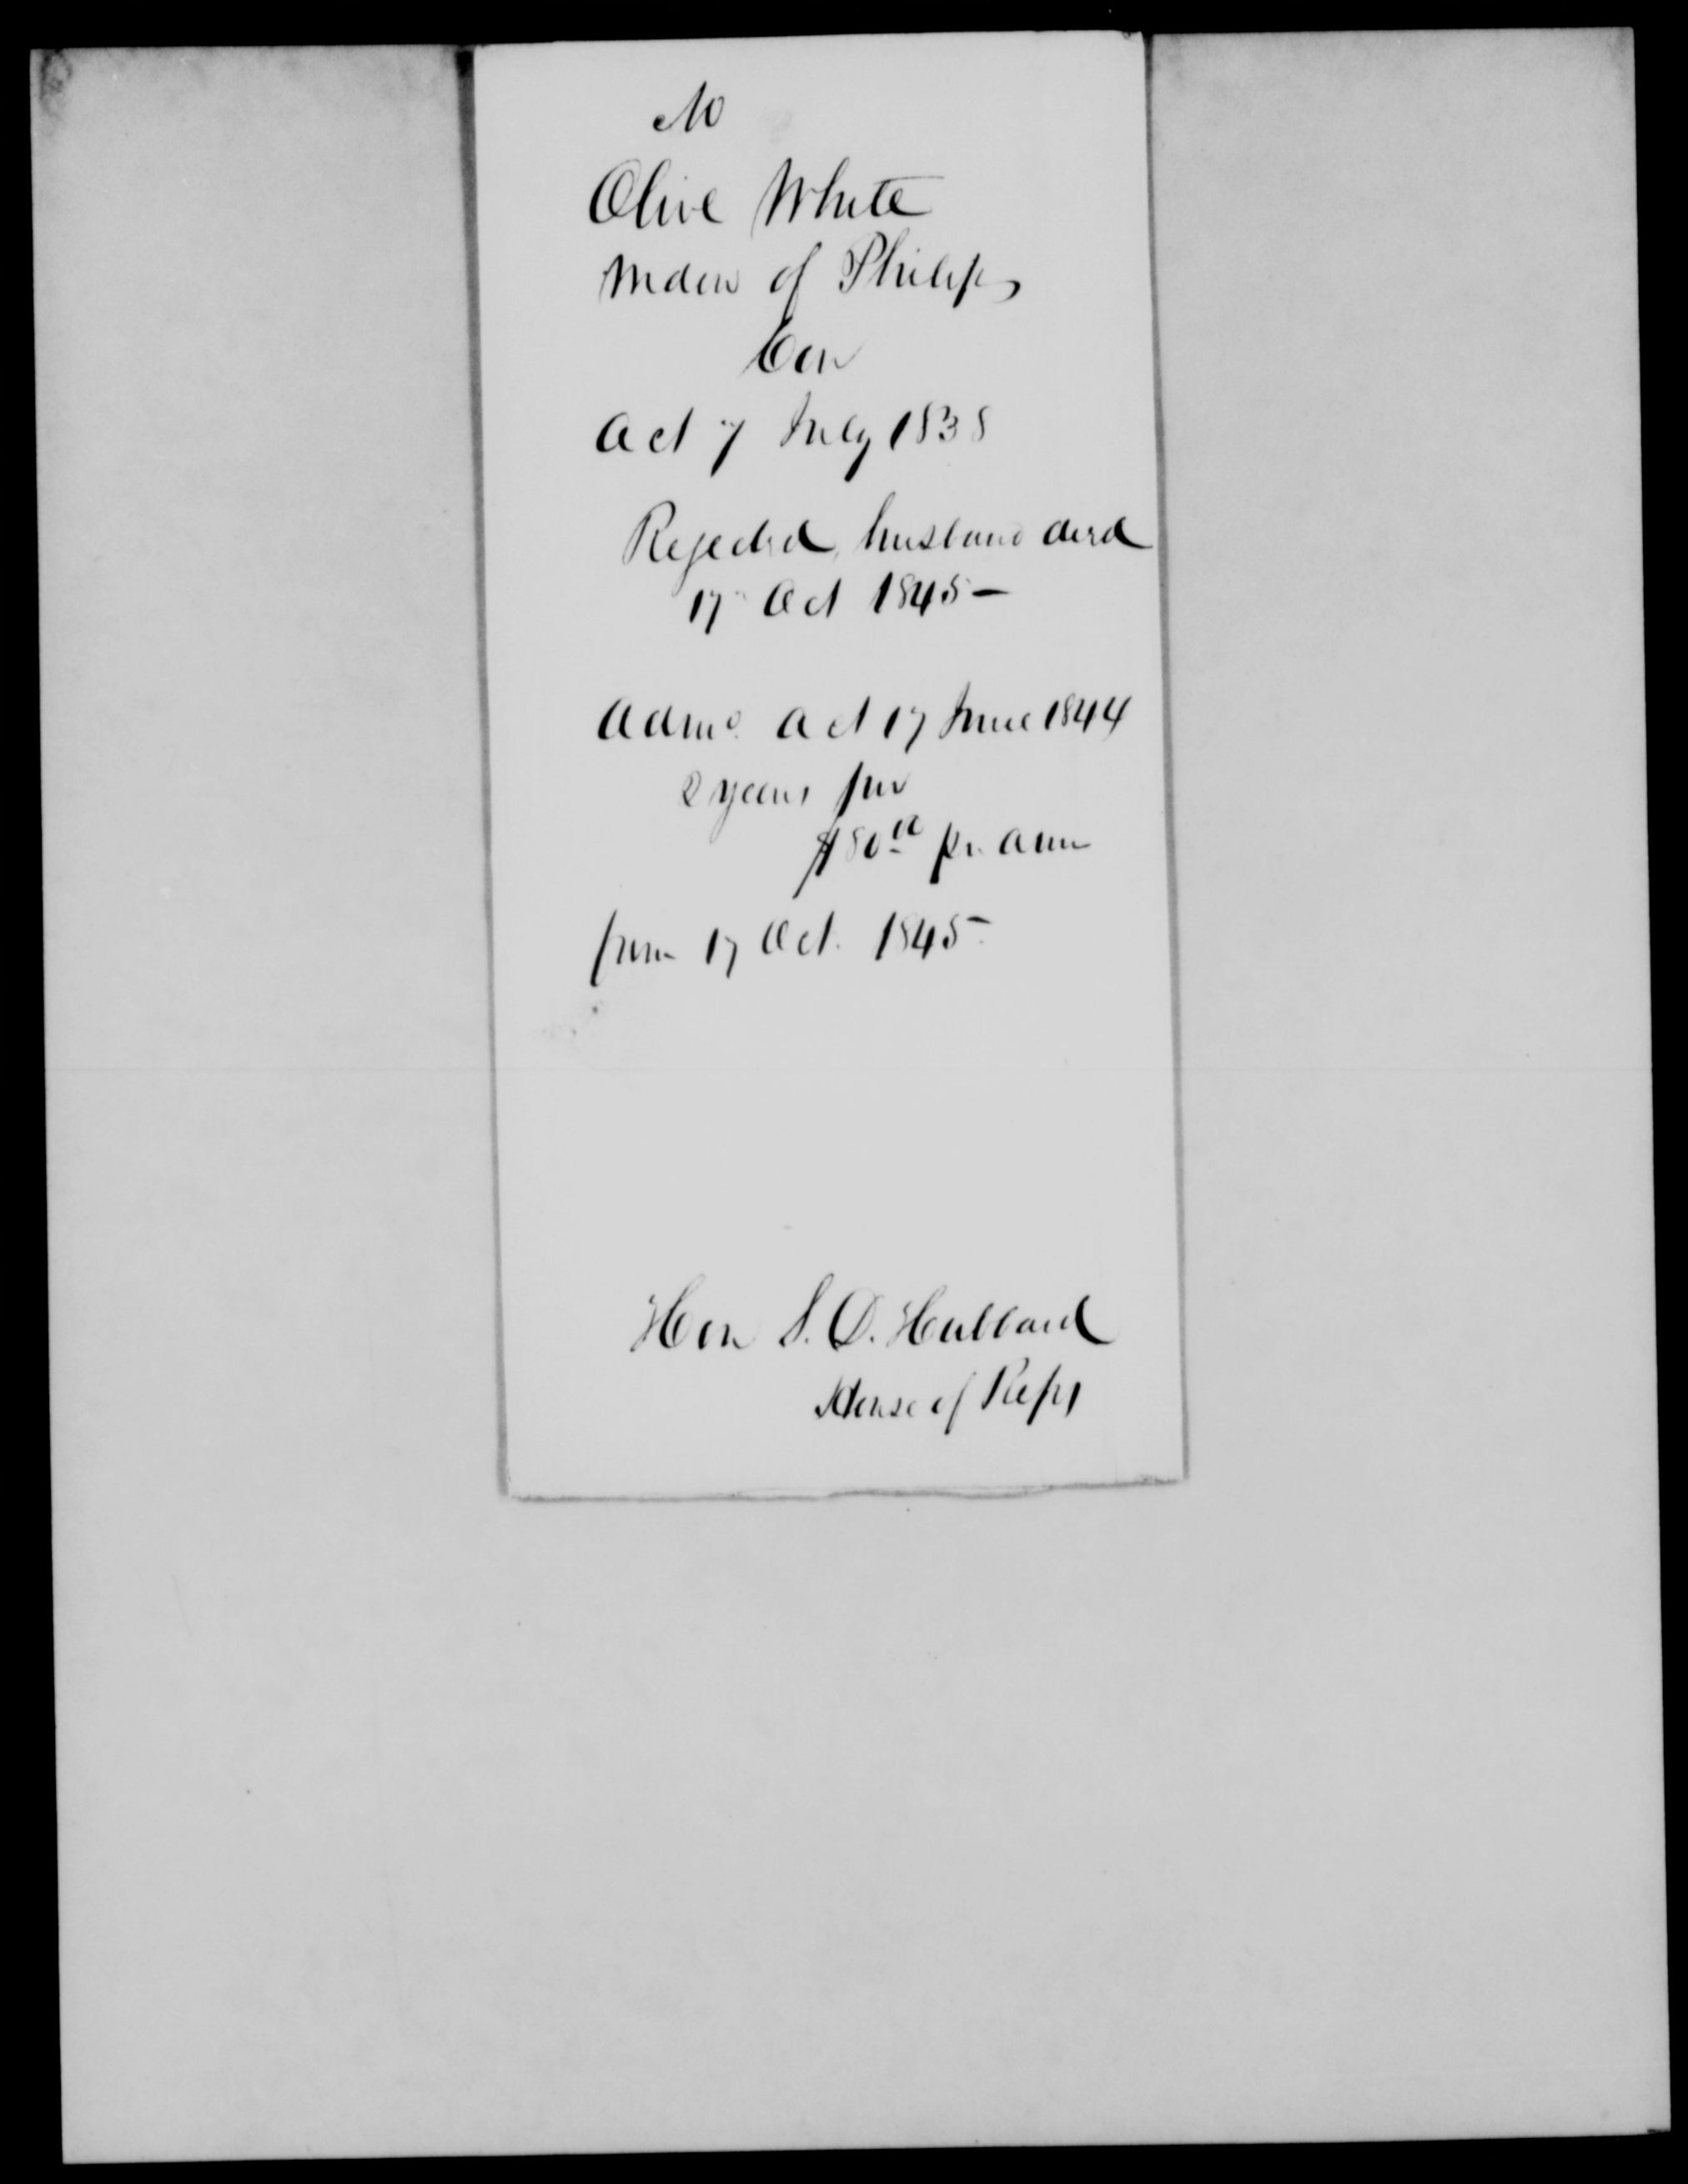10

Olive White
widow of Philip
Con
Act 7 July 1838

Rejected, husband died
17 Oct 1845-

Adm Act 17 June 1844
2 years per
$80 per ann
Frm 17 Oct 1845

Hon S.D. Hullard
House of Reps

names: Olive White, Philip White, S D Hubbard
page: 36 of 50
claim: widow's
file: W. 25,969, Philip White, Conn.